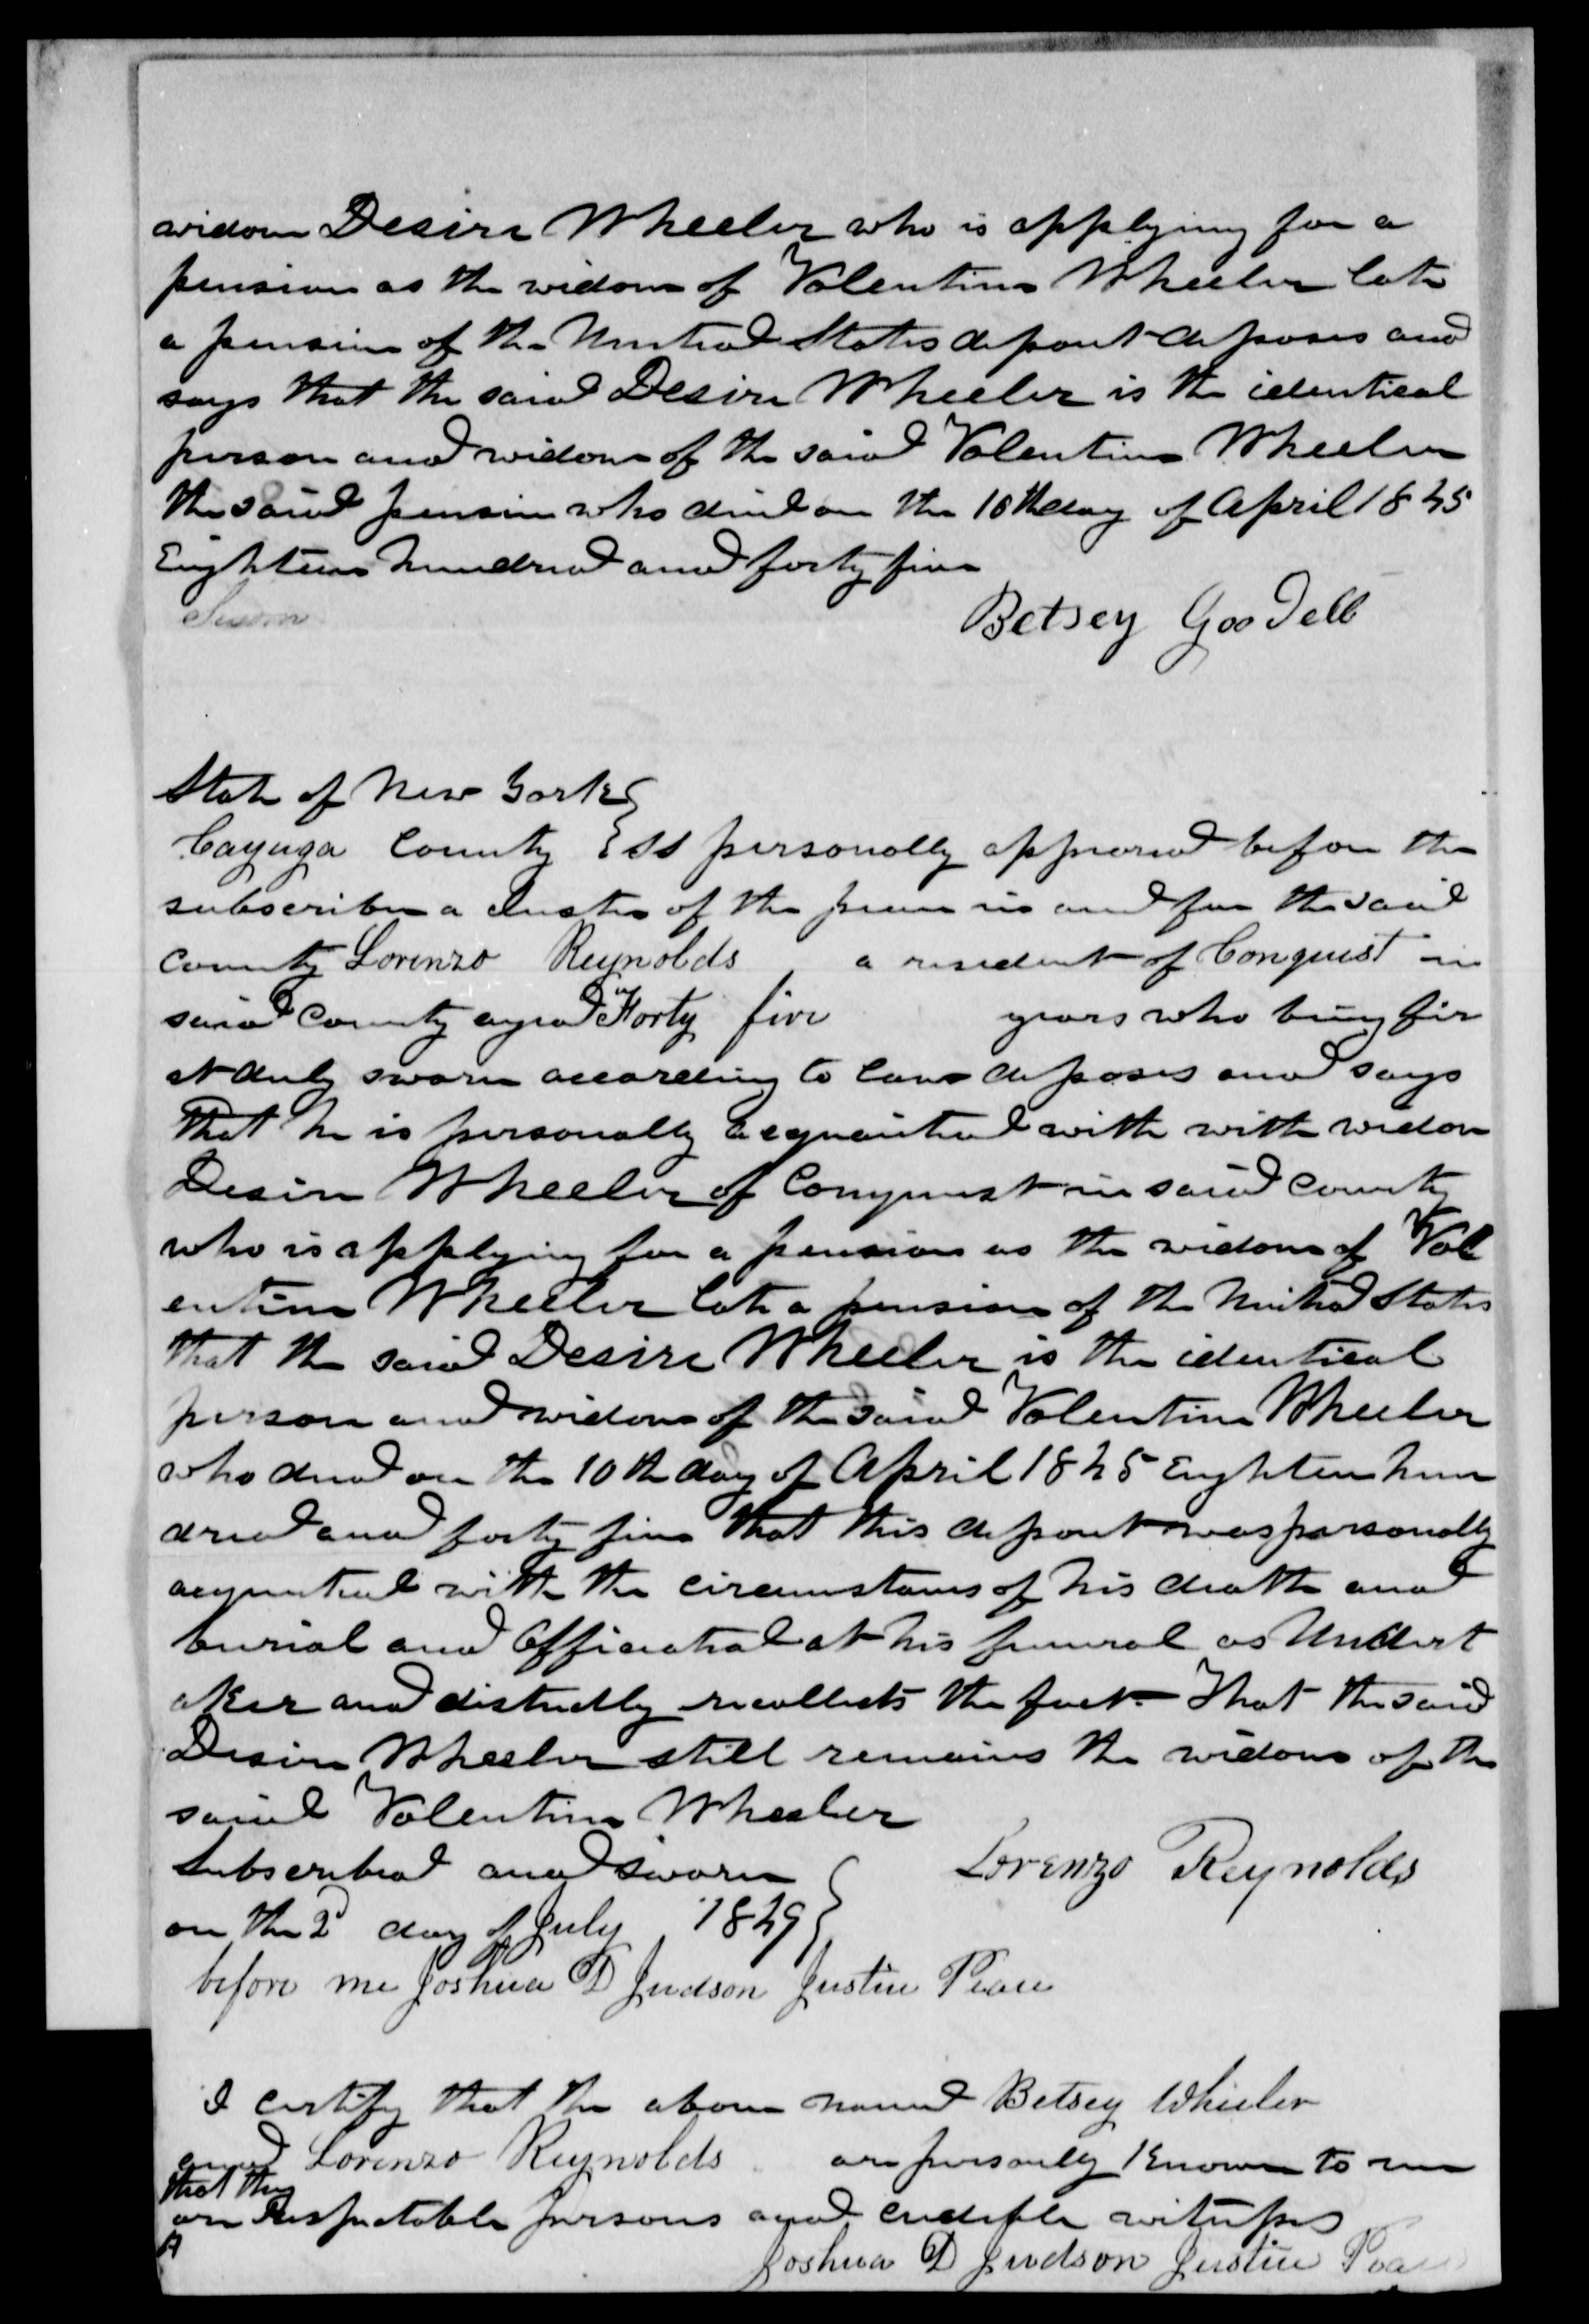Widow Desire Wheeler who is applying for a pension as the widow of Volentine Wheeler late a pensioner of the United States (illegible) deposes and says that the said Desire Wheeler is the identical person and widow of the said Volentine Wheeler the said pensioner who died on the 10th day of April 1845 eighteen hundred and forty five.
Betsey Goodell

State of New York
Cayuga County SS
Personally appeared before the subscriber a Justice of the peace in and for the said county Lorenzo Reynolds a resident of Conquest in said county aged Forty five years who being first duly sworn according to law deposes and says that he is personally acquainted with with widow Desire Wheeler of Conquest in said county who is applying for a pension as the widow of Volentine Wheeler late a pensioner of the United States. That the said Desire Wheeler is the identical person and widow of the said Volentine Wheeler who died on the 10th day of April 1845 eighteen hundred and forty five. That this deponent was personally acquainted with the circumstances of his death and burial and officiated at his funeral as Undertaker and distinctly recollect the fact that the said Desire Wheeler still remains the widow of the said Volentine Wheeler.
Lorenzo Reynolds
Subscribed and sworn on the 2d day of July 1849 before me
Joshua D. Judson Justice Peace
I certify that the above named Betsey Wheeler  and Lorenzo Reynolds are personally known to me that they are respectable persons and credible witnesses.
Joshua D. Judson Justice Peace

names: Desire Wheeler, Betsey Wheeler, Joshua D Judson, Betsey Goodell, Volentine Wheeler, Lorenzo Reynolds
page: 17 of 98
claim: widow's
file: W. 1682, Valentine Wheeler, Mass.